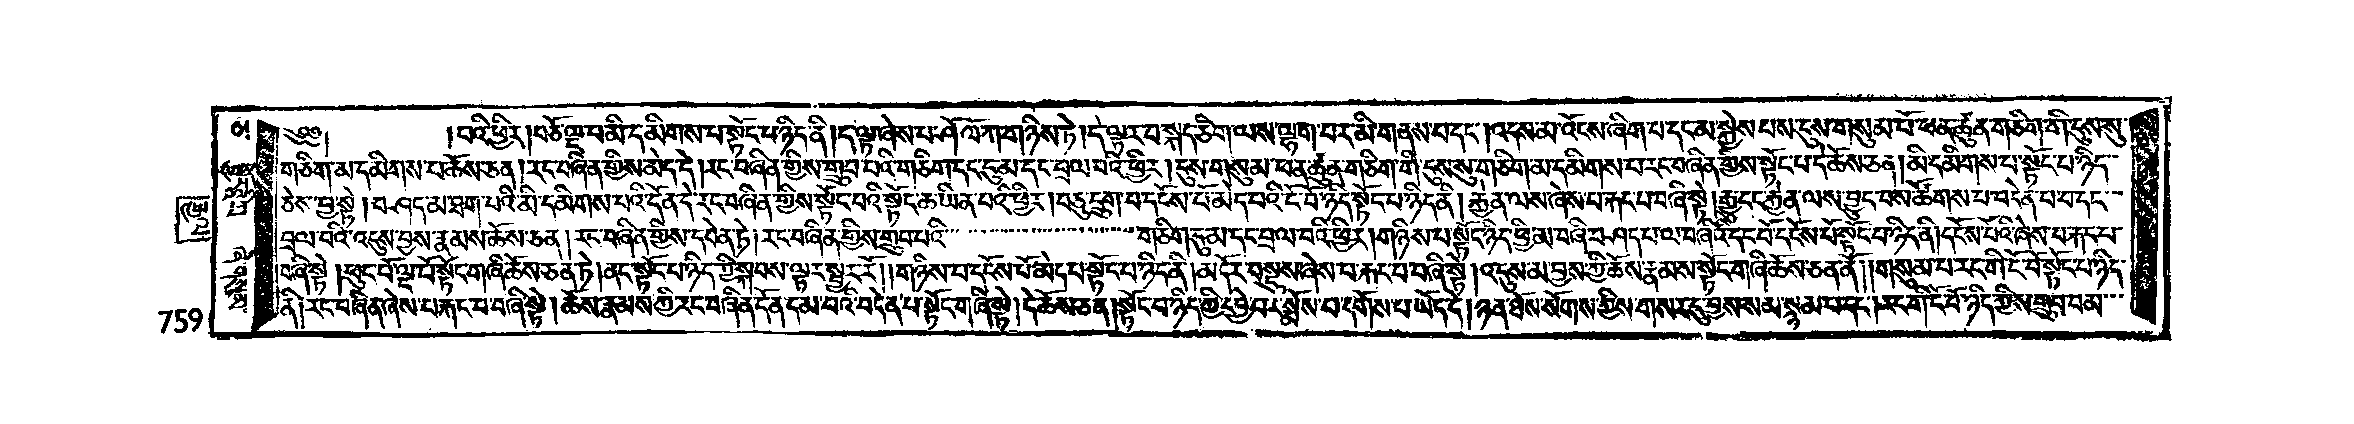༄༅། །བའི་ཕྱིར། བཅོ་ལྔ་པ་མི་དམིགས་པ་སྟོང་པ་ཉིད་ནི། ད་ལྟ་ཞེས་པ་ཤོ་ལོ་ཀ་གཉིས་ཏེ། དེ་ལྟར་བ་སྐད་ཅིག་ལས་ལྷག་པར་མི་གནས་པ་དང་། འདས་མ་འོངས་ཞིག་པ་དང་མ་སྐྱེས་པས་དུས་གསུམ་པོ་ཕན་ཚུན་གཅིག་གི་དུས་སུ་
གཅིག་མ་དམིགས་པ་ཆོས་ཅན། རང་བཞིན་གྱིས་མེད་དེ། རང་བཞིན་གྱིས་གྲུབ་པའི་གཅིག་དང་དུ་མ་དང་བྲལ་བའི་ཕྱིར། དུས་གསུམ་ཕན་ཚུན་གཅིག་གི་དུས་སུ་གཅིག་མ་དམིགས་པ་རང་བཞིན་གྱིས་སྟོང་པ་དེ་ཆོས་ཅན། མི་དམིགས་པ་སྟོང་པ་ཉིད་
ཅེས་བྱ་སྟེ། བཤད་མ་ཐག་པའི་མི་དམིགས་པའི་དོན་དེ་རང་བཞིན་གྱིས་སྟོང་པའི་སྟོང་ཆ་ཡིན་པའི་ཕྱིར། བཅུ་དྲུག་པ་དངོས་པོ་མེད་པའི་ངོ་བོ་ཉིད་སྟོང་པ་ཉིད་ནི། རྐྱེན་ལས་ཞེས་པ་རྐང་པ་བཞི་སྟེ། རྒྱུ་དང་རྐྱེན་ལས་བྱུང་བས་ཚོགས་པ་བདེན་པ་བ་དང་
བྲལ་བའི་འདུས་བྱས་རྣམས་ཆོས་ཅན། རང་བཞིན་གྱིས་དབེན་ཏེ། རང་བཞིན་གྱིས་གྲུབ་པའི་གཅིག་དུ་མ་དང་བྲལ་བའི་ཕྱིར། གཉིས་པ་སྟོང་ཉིད་ཕྱི་མ་བཞི་བཤད་པ་ལ་བཞིའི་དང་པོ་དངོས་པོ་སྟོང་པ་ཉིད་ནི། དངོས་པོའི་ཞེས་པ་རྐང་པ་
བཞི་སྟེ། ཕུང་པོ་ལྔ་པོ་སྟོང་གཞི་ཆོས་ཅན་ཏེ། ནང་སྟོང་པ་ཉིད་ཀྱི་སྐབས་ལྟར་སྦྱར་རོ། །གཉིས་པ་དངོས་པོ་མེད་པ་སྟོང་པ་ཉིད་ནི། མདོར་བསྡུས་ཞེས་པ་རྐང་པ་བཞི་སྟེ། འདུས་མ་བྱས་ཀྱི་ཆོས་རྣམས་སྟོང་གཞི་ཆོས་ཅན་ནོ། །གསུམ་པ་རང་གི་ངོ་བོ་སྟོང་པ་ཉིད་
ནི༑ རང་བཞིན་ཞེས་པ་རྐང་པ་བཞི་སྟེ། ཆོས་རྣམས་ཀྱི་རང་བཞིན་དོན་དམ་པའི་བདེན་པ་སྟོང་གཞི་སྟེ། དེ་ཆོས་ཅན། སྟོང་པ་ཉིད་ཀྱི་དབྱེ་བར་སྨོས་པ་དགོས་པ་ཡོད་དེ། ཉན་ཐོས་སོགས་ཀྱིས་གསར་དུ་བྱས་སམ་སྙམ་པ་དང་། རང་གི་ངོ་བོ་ཉིད་ཀྱིས་གྲུབ་བམ་